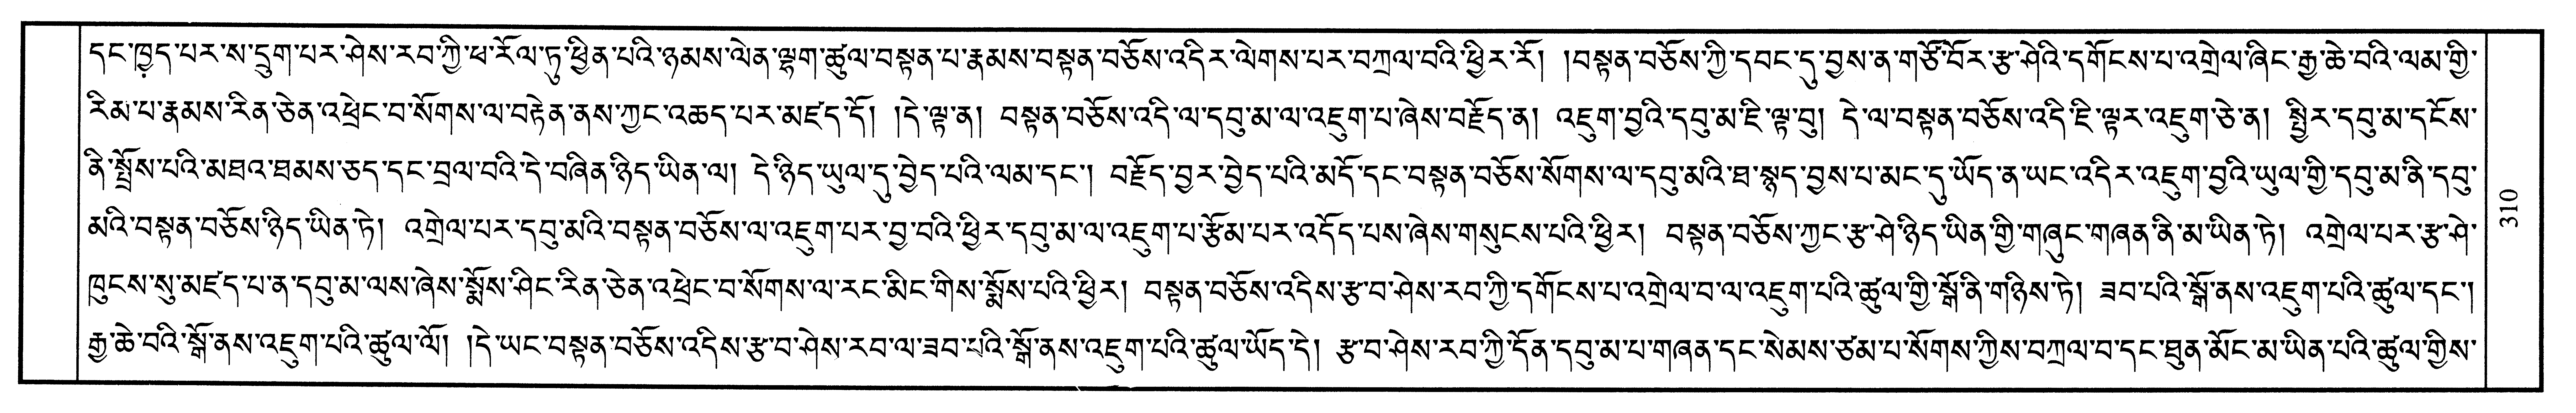དང་ཁྱད་པར་ས་དྲུག་པར་ཤེས་རབ་ཀྱི་ཕ་རོལ་ཏུ་ཕྱིན་པའི་ཉམས་ལེན་ལྷག་ཚུལ་བསྟན་པ་རྣམས་བསྟན་བཅོས་འདིར་ལེགས་པར་བཀྲལ་བའི་ཕྱིར་རོ། །བསྟན་བཅོས་ཀྱི་དབང་དུ་བྱས་ན་གཙོ་བོར་རྩ་ཤེའི་དགོངས་པ་འགྲེལ་ཞིང་རྒྱ་ཆེ་བའི་ལམ་གྱི་
རིམ་པ་རྣམས་རིན་ཅེན་འཕྲེང་བ་སོགས་ལ་བརྟེན་ནས་ཀྱང་འཆད་པར་མཛད་དོ། །དེ་ལྟ་ན། བསྟན་བཅོས་འདི་ལ་དབུ་མ་ལ་འཇུག་པ་ཞེས་བརྗོད་ན། འཇུག་བྱའི་དབུ་མ་ཇི་ལྟ་བུ། དེ་ལ་བསྟན་བཅོས་འདི་ཇི་ལྟར་འཇུག་ཅེ་ན། སྤྱིར་དབུ་མ་དངོས་
ནི་སྤྲོས་པའི་མཐའ་ཐམས་ཅད་དང་བྲལ་བའི་དེ་བཞིན་ཉིད་ཡིན་ལ། དེ་ཉིད་ཡུལ་དུ་བྱེད་པའི་ལམ་དང་། བརྗོད་བྱར་བྱེད་པའི་མདོ་དང་བསྟན་བཅོས་སོགས་ལ་དབུ་མའི་ཐ་སྙད་བྱས་པ་མང་དུ་ཡོད་ན་ཡང་འདིར་འཇུག་བྱའི་ཡུལ་གྱི་དབུ་མ་ནི་དབུ་
མའི་བསྟན་བཅོས་ཉིད་ཡིན་ཏེ། འགྲེལ་པར་དབུ་མའི་བསྟན་བཅོས་ལ་འཇུག་པར་བྱ་བའི་ཕྱིར་དབུ་མ་ལ་འཇུག་པ་རྩོམ་པར་འདོད་པས་ཞེས་གསུངས་པའི་ཕྱིར། བསྟན་བཅོས་ཀྱང་རྩ་ཤེ་ཉིད་ཡིན་གྱི་གཞུང་གཞན་ནི་མ་ཡིན་ཏེ། འགྲེལ་པར་རྩ་ཤེ་
ཁུངས་སུ་མཛད་པ་ན་དབུ་མ་ལས་ཞེས་སྨོས་ཤིང་རིན་ཅེན་འཕྲེང་བ་སོགས་ལ་རང་མིང་གིས་སྨོས་པའི་ཕྱིར། བསྟན་བཅོས་འདིས་རྩ་བ་ཤེས་རབ་ཀྱི་དགོངས་པ་འགྲེལ་བ་ལ་འཇུག་པའི་ཚུལ་གྱི་སྒོ་ནི་གཉིས་ཏེ། ཟབ་པའི་སྒོ་ནས་འཇུག་པའི་ཚུལ་དང་།
རྒྱ་ཆེ་བའི་སྒོ་ནས་འཇུག་པའི་ཚུལ་ལོ། །དེ་ཡང་བསྟན་བཅོས་འདིས་རྩ་བ་ཤེས་རབ་ལ་ཟབ་པའི་སྒོ་ནས་འཇུག་པའི་ཚུལ་ཡོད་དེ། རྩ་བ་ཤེས་རབ་ཀྱི་དོན་དབུ་མ་པ་གཞན་དང་སེམས་ཙམ་པ་སོགས་ཀྱིས་བཀྲལ་བ་དང་ཐུན་མོང་མ་ཡིན་པའི་ཚུལ་གྱིས་